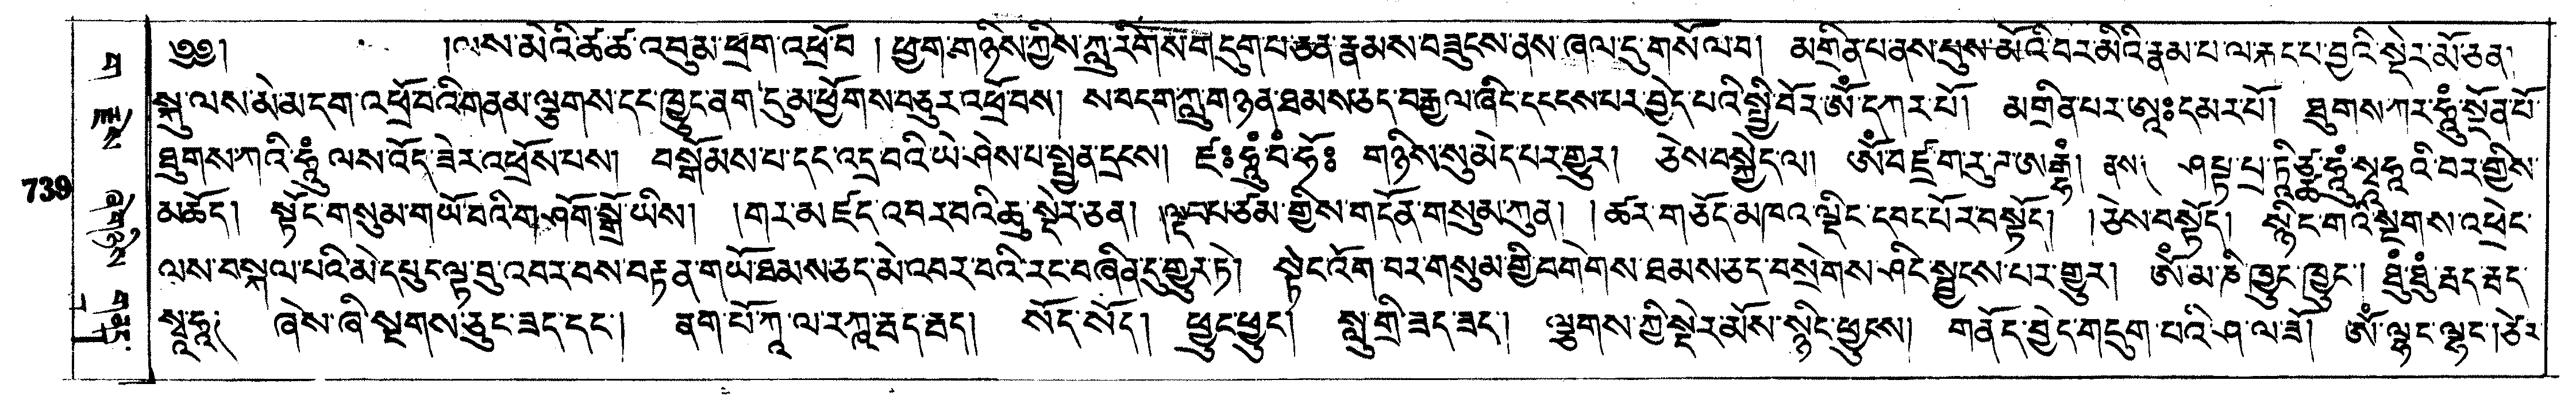༄༅། །ལས་མེའི་ཚ་ཚ་འབུམ་ཕྲག་འཕྲོ་བ། ཕྱག་གཉིས་ཀྱིས་ཀླུ་རིགས་གདུག་པ་ཅན་རྣམས་བཟུངས་ནས་ཞལ་དུ་གསོལ་བ། མགྲིན་པ་ནས་ཕུས་མོའི་བར་མིའི་རྣམ་པ་ལ་རྐད་པ་བྱའི་སྡེར་མོ་ཅན།
སྐུ་ལས་མེ་མདག་འཕྲོ་བའི་གནམ་ལྕགས་དང་ཁྱུང་ནག་དུ་མ་ཕྱོགས་བཅུར་འཕྲོ་བས། ས་བདག་ཀླུ་གཉན་ཐམས་ཅད་བརྒྱལ་ཞིང་དང་ངས་པར་བྱེད་པའི་སྤྱི་བོར་ཨོཾ་དཀར་པོ། མགྲིན་པར་ཨཱཿ དམར་པོ། ཐུགས་ཀར་ཧཱུཾ་སྔོན་པོ་
ཐུགས་ཀའི་ཧཱུཾ་ལས་འོད་ཟེར་འཕྲོས་པས། བསྒོམས་པ་དང་འདྲ་བའི་ཡེ་ཤེས་པ་སྤྱན་དྲངས། ཛཿ ཧཱུཾ་བཾ་ཧོཿ གཉིས་སུ་མེད་པར་གྱུར། ཅེས་བསྐྱེད་ལ། ཨོཾ་བཛྲ་ག་རུ་ཌ་ཨརྒྷམ། ནས༑ ཤཔྟ་པྲ་ཏཱི་ཙྪ་ཧཱུཾ་སྭཱཧཱའི་བར་གྱིས་
མཆོད། སྟོང་གསུམ་གཡོ་བའི་གཤོག་སྒྲོ་ཡིས། །གར་མཛད་འབར་བའི་ཆུ་སྡེར་ཅན། །ལྡབ་པ་ཙམག་ཡིས་གདོན་གསུམ་ཀུན། །ཚར་གཅོད་མཁའ་ལྡིང་དབང་པོར་བསྟོད། །ཅེས་བསྟོད། སྙིང་གའི་སྔགས་འཕྲེང་
ལས་བསྐལ་པའི་མེ་དཔུང་ལྟ་བུ་འབར་བས་བརྟན་གཡོ་ཐམས་ཅད་མེ་འབར་བའི་རང་བཞིན་དུ་གྱུར་ཏེ། སྟེང་འོག་བར་གསུམ་གྱི་བགེགས་ཐམས་ཅད་བསྲེགས་ཤིང་སྦྱངས་པར་གྱུར། ཨོཾ་མ་ཎི་ཁྱུང་ཁྱུང་། ཐུཾ་ཐུཾ་རྦད་རྦད་
སྭཱ་ཧཱཿ ཞེས་ཞི་སྔགས་ཅུང་ཟད་དང་། ནག་པོ་ཀཱ་ལ་རཀྵ་རྦད་རྦད། སོད་སོད། ཕྱུང་ཕྱུང་། སླུ་གྲི་ཟད་ཟང་། ལྕགས་ཀྱི་སྡེར་མོས་སྙིང་ཕྱུངས། གནོད་བྱེད་གདུག་པའི་ཤ་ལ་ཟོ། ཨོཾ་ལྷང་ལྷང་། ཙེར་